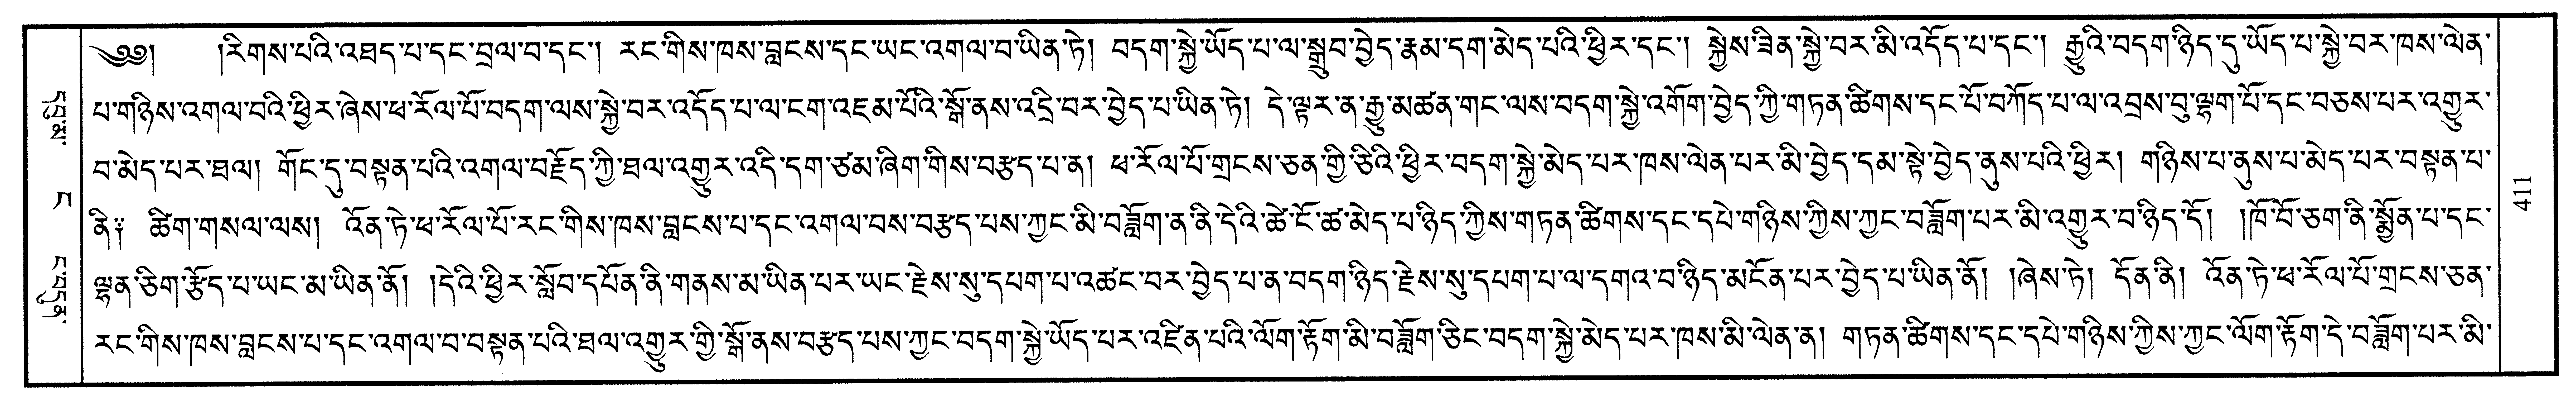༄༅། །རིགས་པའི་འཐད་པ་དང་བྲལ་བ་དང་། རང་གིས་ཁས་བླངས་དང་ཡང་འགལ་བ་ཡིན་ཏེ། བདག་སྐྱེ་ཡོད་པ་ལ་སྒྲུབ་བྱེད་རྣམ་དག་མེད་པའི་ཕྱིར་དང་། སྐྱེས་ཟིན་སྐྱེ་བར་མི་འདོད་པ་དང་། རྒྱུའི་བདག་ཉིད་དུ་ཡོད་པ་སྐྱེ་བར་ཁས་ལེན་
པ་གཉིས་འགལ་བའི་ཕྱིར་ཞེས་ཕ་རོལ་པོ་བདག་ལས་སྐྱེ་བར་འདོད་པ་ལ་ངག་འཇམ་པོའི་སྒོ་ནས་འདྲི་བར་བྱེད་པ་ཡིན་ཏེ། དེ་ལྟར་ན་རྒྱུ་མཚན་གང་ལས་བདག་སྐྱེ་འགོག་བྱེད་ཀྱི་གཏན་ཚིགས་དང་པོ་བཀོད་པ་ལ་འབྲས་བུ་ལྷག་པོ་དང་བཅས་པར་འགྱུར་
བ་མེད་པར་ཐལ། གོང་དུ་བསྟན་པའི་འགལ་བརྗོད་ཀྱི་ཐལ་འགྱུར་འདི་དག་ཙམ་ཞིག་གིས་བརྩད་པ་ན། ཕ་རོལ་པོ་གྲངས་ཅན་གྱི་ཅིའི་ཕྱིར་བདག་སྐྱེ་མེད་པར་ཁས་ལེན་པར་མི་བྱེད་དམ་སྟེ་བྱེད་ནུས་པའི་ཕྱིར། གཉིས་པ་ནུས་པ་མེད་པར་བསྟན་པ་
ནི༑ ཚིག་གསལ་ལས། འོན་ཏེ་ཕ་རོལ་པོ་རང་གིས་ཁས་བླངས་པ་དང་འགལ་བས་བརྩད་པས་ཀྱང་མི་བཟློག་ན་ནི་དེའི་ཚེ་ངོ་ཚ་མེད་པ་ཉིད་ཀྱིས་གཏན་ཚིགས་དང་དཔེ་གཉིས་ཀྱིས་ཀྱང་བཟློག་པར་མི་འགྱུར་བ་ཉིད་དོ། །ཁོ་བོ་ཅག་ནི་སྨྱོན་པ་དང་
ལྷན་ཅིག་རྩོད་པ་ཡང་མ་ཡིན་ནོ། །དེའི་ཕྱིར་སློབ་དཔོན་ནི་གནས་མ་ཡིན་པར་ཡང་རྗེས་སུ་དཔག་པ་འཚང་བར་བྱེད་པ་ན་བདག་ཉིད་རྗེས་སུ་དཔག་པ་ལ་དགའ་བ་ཉིད་མངོན་པར་བྱེད་པ་ཡིན་ནོ། །ཞེས་ཏེ། དོན་ནི། འོན་ནི། འོན་ཏེ་ཕ་རོལ་པོ་གྲངས་ཅན་
རང་གིས་ཁས་བླངས་པ་དང་འགལ་བ་བསྟན་པའི་ཐལ་འགྱུར་གྱི་སྒོ་ནས་བརྩད་པས་ཀྱང་བདག་སྐྱེ་ཡོད་པར་འཛིན་པའི་ལོག་རྟོག་མི་བཟློག་ཅིང་བདག་སྐྱེ་མེད་པར་ཁས་མི་ལེན་ན། གཏན་ཚིགས་དང་དཔེ་གཉིས་ཀྱིས་ཀྱང་ལོག་རྟོག་དེ་བཟློག་པར་མི་